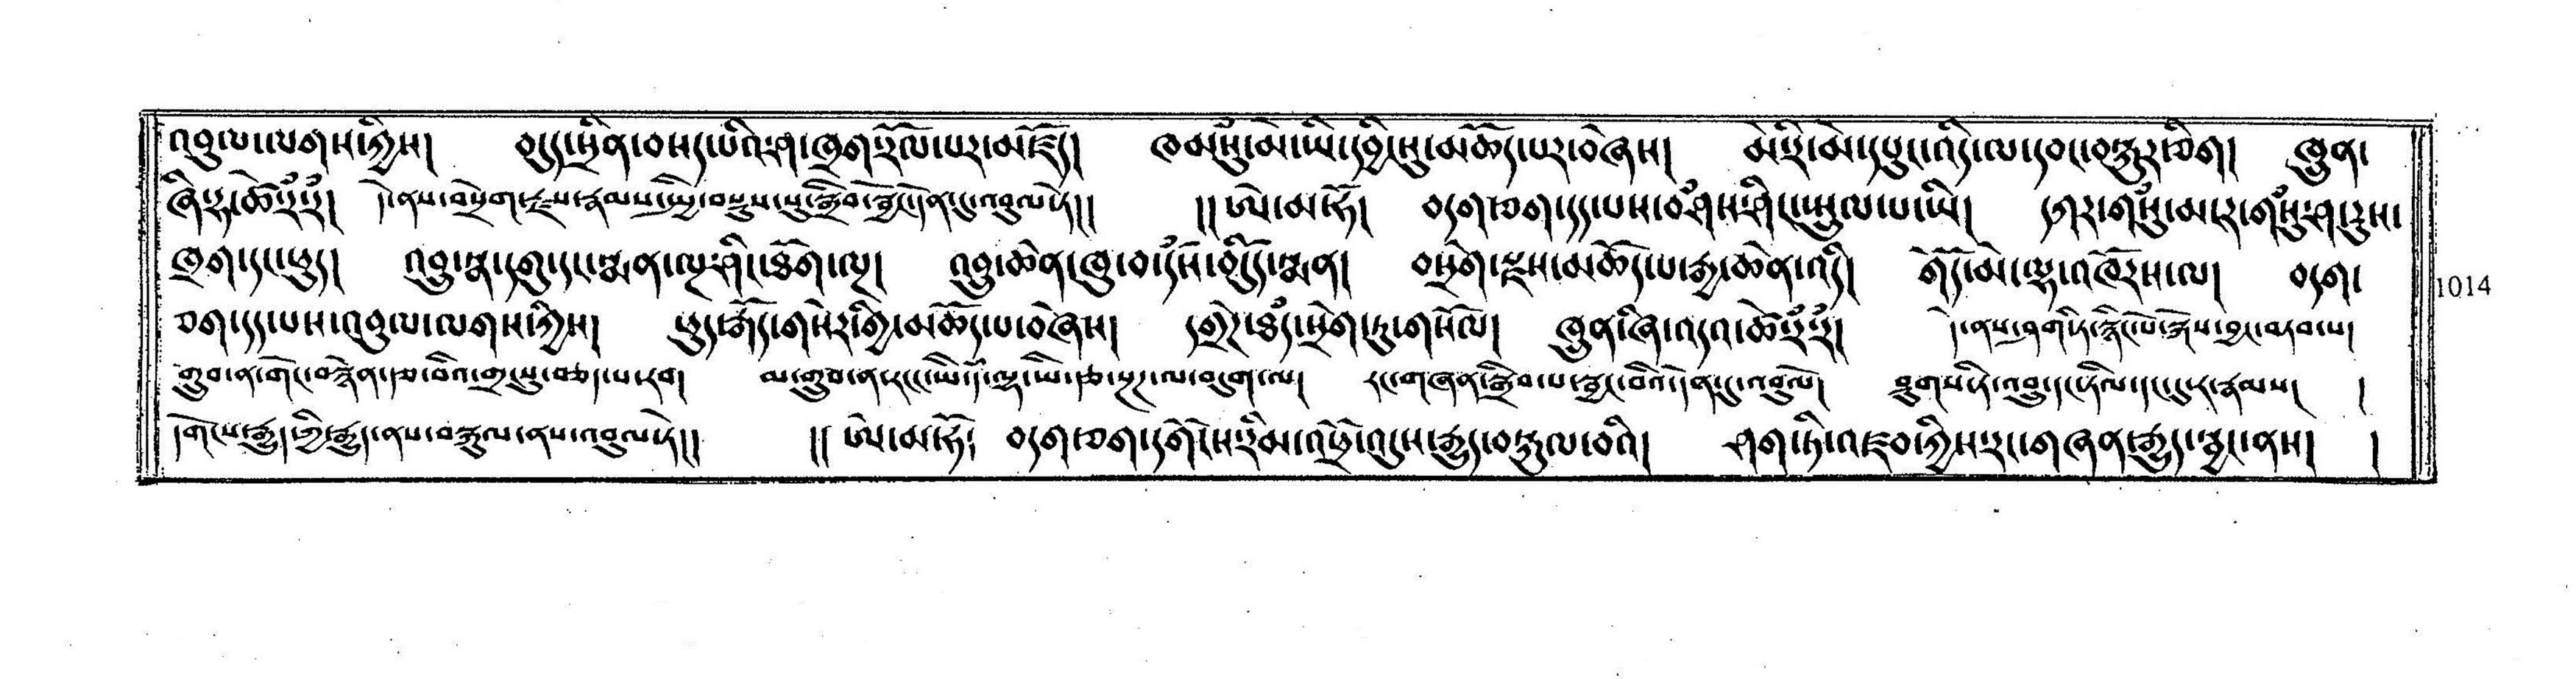འབུལ་ལགས་ཀྱིས། བདུད་སྲིན་བསད་པའི་ཤ་ཁྲག་རོལ་པར་མཛོད། ཁམས་གསུམ་མེ་ཡི་དབྱིངས་སུ་མཆོད་པར་བཞེས། མེ་རི་མེ་དཔུང་འདི་ལ་དབང་བསྐུར་ཅིག ཁྲུན་
ཞི་དྷ་ཚེ་རཾ་རཾ། དེ་ནས་བསྲེག་རྫས་རྣམས་སྤྱི་བསྡུས་སུ་སྒྲིབ་སྦྱོང་དོན་དུ་འབུལ་ཏེ།། །།ཨེ་མ་ཧོ། བདག་ཅག་དད་པས་བཤམས་ཤིང་སྤྲུལ་པ་ཡི། དཀར་གསུམ་མངར་གསུམ་ཤ་རུས་
ཁྲག་དང་ཕུད། འབྲུ་སྣ་དགུ་དང་སྨན་ལྔ་ཤིང་ཐོག་ལྔ། འབྲུ་ཆེན་ཁུ་བ་དམ་རྫས་བདུད་རྩི་སྨན། བསྲེག་རྫས་མཆོད་པ་རྒྱ་ཆེན་འདི། གེ་ཁོད་མེ་ལྷ་འཁོར་བཅས་ལ། བདག་
ཅག་དད་པས་འབུལ་ལགས་ཀྱིས། ཕུད་རྒོད་གསེར་གྱི་མཆོད་པ་བཞེས། དགྲ་བགེགས་ཐམས་ཅད་སྲེག་ཏུ་གསོལ། ཁྲུན་ཞི་འདའ་ཚེ་རཾ་རཾ། དེ་ནས་ཤག་ཏི་སྙིང་པོ་སྐོས་བྱང་བཏབ་པ། 
གྲུབ་ན་གོང་བསྙེན་རྩ་བའི་གྲངས་སུ་བཅད་པ་རབ། མ་གྲུབ་ན་རང་རང་ཡི་དམ་ལྷ་ཡི་རྩ་སྔགས་ལ་བདུག་ལ། རང་གཞན་སྒྲིབ་པ་སྦྱང་བའི་དོན་དུ་འབུལ་ལོ། ཤུགས་ཏི་འབྲུ་དང་ཏིལ་དང་དུ་ར་རྣམས། 
དགོངས་རྒྱུད་ཀྱི་རྒྱུད་ནས་བསྐུལ་ནས་འབུལ་ཏེ།། །།ཨེ་མ་ཧོ། བདག་ཅག་དགོངས་རིམ་འཕྲོ་འདུས་རྒྱུད་བསྐུལ་བའི། ཤག་ཏི་འཛབ་ཀྱིས་རང་གཞན་རྒྱུད་སྦྱང་ནས།